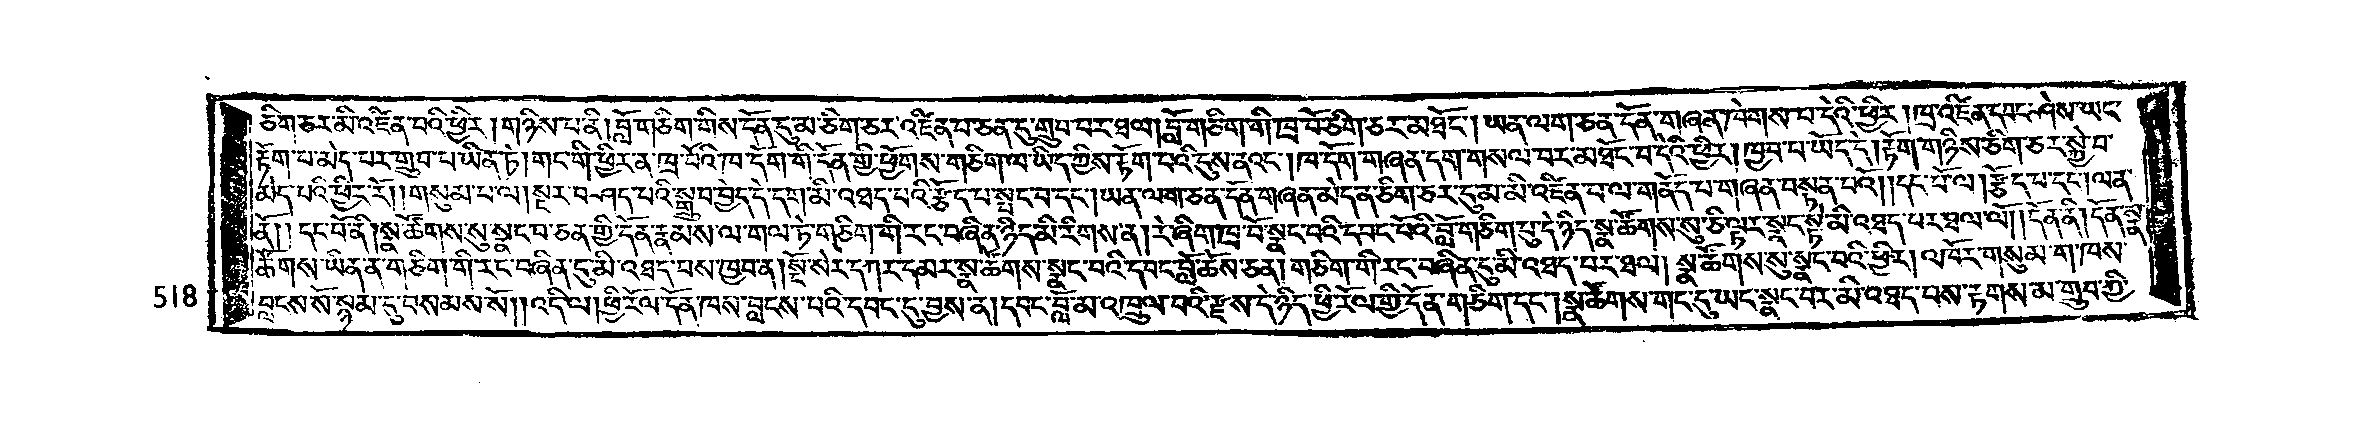ཅིག་ཅར་མི་འཛིན་པའི་ཕྱིར། གཉིས་པ་ནི། བློ་གཅིག་གིས་དོན་དུ་མ་ཅིག་ཅར་འཛིན་པ་ཅན་དུ་གྲུབ་པར་ཐལ། བློ་གཅིག་གི་ཁྲ་བོ་ཅིག་ཅར་མཐོང་། ཡན་ལག་ཅན་དོན་གཞན་ཁེགས་པ་དེའི་ཕྱིར། ཁྲ་འཛིན་དབང་ཤེས་ཡང་
རྟོག་པ་མེད་པར་གྲུབ་པ་ཡིན་ཏེ། གང་གི་ཕྱིར་ན་ཁྲ་བོའི་ཁ་དོག་གི་དོན་གྱི་ཕྱོགས་གཅིག་ལ་ཡིད་ཀྱིས་རྟོག་པའི་དུས་ནའང་། ཁ་དོག་གཞན་དག་གསལ་བར་མཐོང་བ་དེའི་ཕྱིར། ཁྱབ་པ་ཡོད་དེ། རྟོག་གཉིས་ཅིག་ཅར་སྐྱེ་བ་
མེད་པའི་ཕྱིར་རོ། །གསུམ་པ་ལ། སྔར་བཤད་པའི་སྒྲུབ་བྱེད་དེ་དག་མི་འཐད་པའི་རྩོད་པ་སྤང་བ་དང་། ཡན་ལག་ཅན་དོན་གཞན་མེད་ན་ཅིག་ཅར་དུ་མ་མི་འཛིན་པ་ལ་གནོད་པ་གཞན་བསྟན་པའོ། །དང་པོ་ལ། རྩོད་པ་དང་། ལན་
ནོ། །དང་པོ་ནི། སྣ་ཚོགས་སུ་སྣང་བ་ཅན་གྱི་དོན་རྣམས་ལ་གལ་ཏེ་གཅིག་གི་རང་བཞིན་ཉིད་མི་རིགས་ན། རེ་ཞིག་ཁྲ་བོ་སྣང་བའི་དབང་པོའི་བློ་གཅིག་པུ་དེ་ཉིད་སྣ་ཚོགས་སུ་ཅི་ལྟར་སྣང་སྟེ་མི་འཐད་པར་ཐལ་ལོ། །དོན་ནི། དོན་སྣ་
ཚོགས་ཡིན་ན་གཅིག་གི་རང་བཞིན་དུ་མི་འཐད་པས་ཁྱབ་ན། སྔོ་སེར་དཀར་དམར་སྣ་ཚིགས་སྣང་བའི་དབང་བློ་ཆོས་ཅན། གཅིག་གི་རང་བཞིན་དུ་མི་འཐད་པར་ཐལ། སྣ་ཚོགས་སུ་སྣང་བའི་ཕྱིར། འཁོར་གསུམ་ག་ཁས་
བླངས་སོ་སྙམ་དུ་བསམས་སོ། །འདི་ལ། ཕྱི་རོལ་དོན་ཁས་བླངས་པའི་དབང་དུ་བྱས་ན། དབང་བློ་མ་འཁྲུལ་བའི་རྫས་དེ་ཉིད་ཕྱིར་རོལ་གྱི་དོན་གཅིག་དང་། སྣ་ཚོགས་གང་དུ་ཡང་སྣང་བར་མི་འཐད་པས་རྟགས་མ་གྲུབ་ཀྱི་